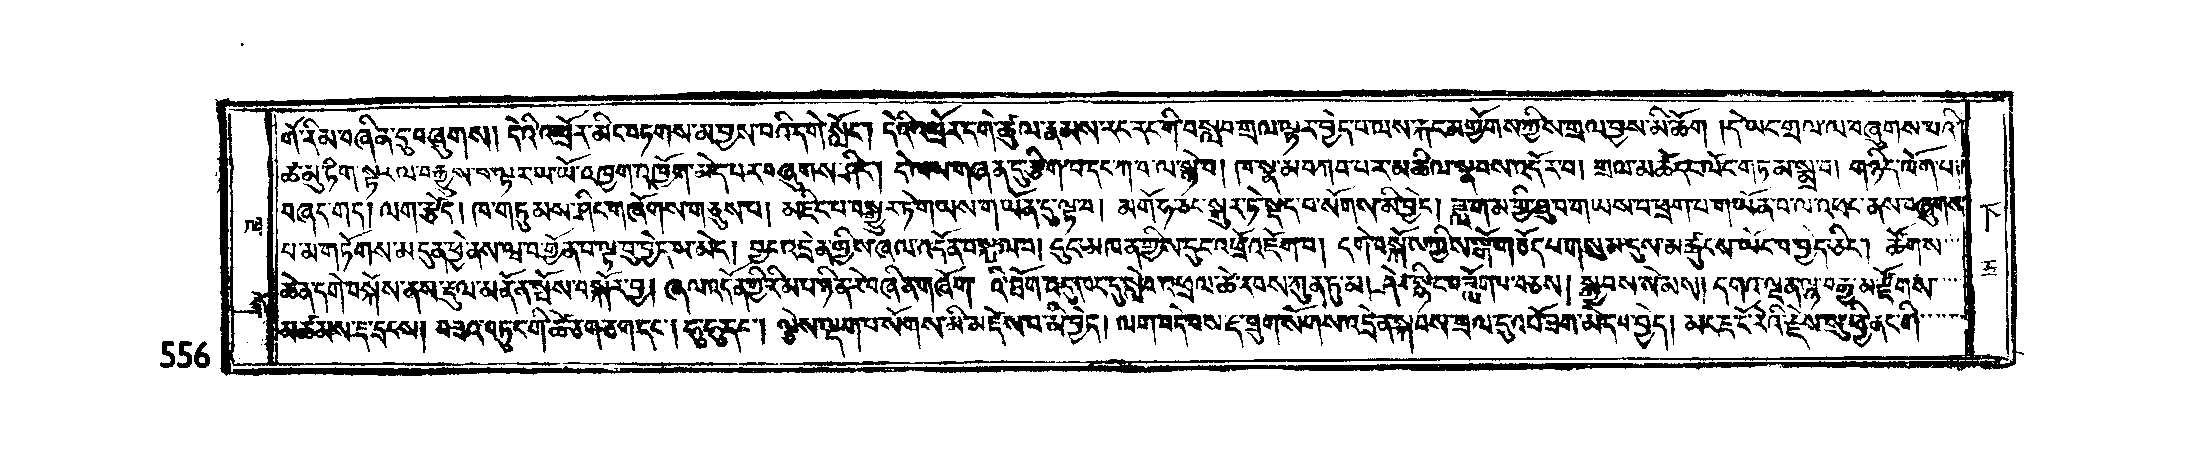གོ་རིམ་བཞིན་དུ་བཞུགས། དེའི་འཕྲོར་མིང་བཏགས་མ་བྱས་པའི་དགེ་སློང་། དེའི་འཕྲོར་དགེ་ཚུལ་རྣམས་རང་རང་གི་བསླབ་གྲལ་ལྟར་བྱེད་པ་ལས་རྐང་མགྱོགས་ཀྱིས་གྲལ་བྱས་མི་ཆོག །དེ་ཡང་གྲལ་ལ་བཞུགས་པའི་
ཚ་མུ་ཏིག་སྟར་ལ་བརྒྱུས་བ་ལྟར་ལ་ཡོ་འཁྱག་འཁྱོག་མེད་པར་བཞུགས་ཤིང་། དེ་ལས་གཞན་དུ་རྩིག་པ་དང་ཀ་བ་ལ་སྙེ་བ། ཁ་སྣ་མ་བཀབ་པར་མཆིལ་སྣབས་འདོར་བ། གྲལ་མཆོ་དང་ལོང་གཏམ་སྨྲ་བ། གཉིད་ལོག་པ།
བཞད་གད། ལག་རྩེད། ཁ་གཏུམས་ཤིང་གཞོགས་གཅུས་པ། མཇིང་པ་བསྒྱུར་ཏེ་གཡས་གཡོན་དུ་ལྟ་བ། མགོ་ཧ་ཅང་སྒུར་ཏེ་སྡད་པ་སོགས་མི་བྱེད། ཟླ་གམ་གྱི་ཐུ་བ་གཡས་པ་ཕྲག་པ་གཡོན་པ་ལ་འཕང་ནས་བཞུགས་
པ་མ་གཏོགས་མདུན་ཕྱེ་ནས་ཝ་བ་གྱོན་པ་ལྟ་བུ་བྱེད་ས་མེད། བྱང་འདྲེན་གྱིས་ཞལ་འདོན་བསླབ་བ། དུང་མཁན་གྱིས་དུང་འཕྲོ་འཇོག་པ། དགེ་བསྐོས་ཀྱིས་སྒོ་གཅོད་པ་གསུམ་དུས་མཚུངས་ལོང་བ་བྱེད་ཅིང་། ཚོགས་
ཆེན་དགེ་བསྐོས་ནས་རྡུལ་མནོན་སྤོས་བསྐོར་བྱ། ཞལ་འདོན་གྱི་རིམ་པ་ཉིན་རེ་བཞིན་གཞོག་པའི་ཐོག་འདུ་ཁང་དུ་སླེབ་འཕྲལ་ཚེ་རབས་ཀུན་ཏུ་མ། ཤེར་སྙིང་བཟློག་པ་བཅས། སྐྱབས་སེམས། དགའ་ལྡན་ལྷ་བརྒྱ་མ་རྫོགས་
མཚམས་ཇ་དྲངས། བཟའ་བཏུང་གི་ཚེ་ཅག་ཅག་དང་། ཧུ་ཧུ་དང་། ལྕེས་ལྡག་པ་སོགས་མི་མཛེས་པ་མི་བྱེད། ལག་བདེ་བས་ཇ་ཐུག་སོགས་འདྲེན་སྐབས་གྲལ་དུ་འབོ་ཟག་མེད་པ་བྱེད། མང་ཇ་ངོ་རེའི་རྗེས་སུ་ཕྱི་ནང་གི་